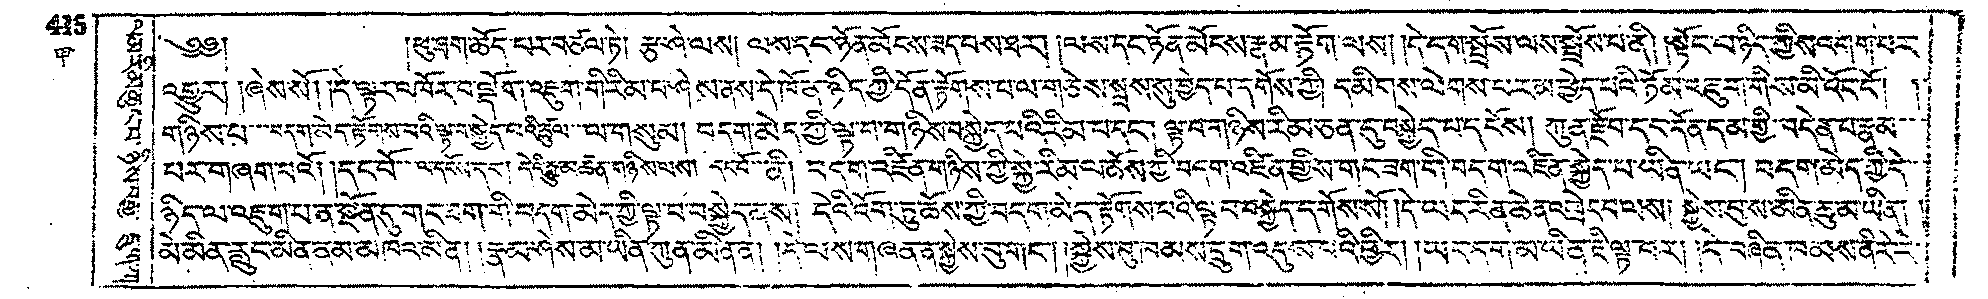༄༅། །ཕུ་ཐག་ཆོད་པར་བཙལ་ཏེ། རྩ་ཤེ་ལས། ལས་དང་ཉོན་མོངས་ཟད་པས་ཐར། །ལས་དང་ཉོན་མོངས་རྣམ་རྟོག་ལས། །དེ་དག་སྤྲོས་ལས་སྤྲོས་པ་ནི། །སྟོང་པ་ཉིད་ཀྱིས་འགག་པར་
འགྱུར། །ཞེས་སོ། །དེ་ལྟར་འཁོར་བ་ལྡོག་འཇུག་གི་རིམ་པ་ཤེས་ནས་དེ་ཁོ་ན་ཉིད་ཀྱི་དོན་རྟོགས་པ་ལ་གཅེས་སྤྲས་སུ་བྱེད་པ་དགོས་ཀྱི། དམིགས་ལེགས་པར་མ་ཕྱེད་པའི་ཏོམ་འཇུག་གིས་མི་འོང་ངོ། །
གཉིས་པབདག་མེད་རྟོགས་པའི་ལྟ་བ་སྐྱེད་པའི་ཚུལལ་གསུམ། བདག་མེད་ཀྱི་ལྟ་བ་གཉིས་བསྐྱེད་པའི་རིམ་པ་དང་། ལྟ་བ་གཉིས་རིམ་ཅན་དུ་བསྐྱེད་པ་དངོས། ཀུན་རྫོབ་དང་དོན་དམ་གྱི་བདེན་པ་རྣམ་
པར་གཞག་པའོ། །དང་པོལ་དངོས་དང་། དེའི་རྒྱུ་མཚན་གཉིས་ལས། དང་པོནི། བདག་འཛིན་གཉིས་ཀྱི་སྐྱེ་རིམ་ལ་ཆོས་ཀྱི་བདག་འཛིན་གྱིས་གང་ཟག་གི་བདག་འཛིན་སྐྱེད་པ་ཡིན་ཡང་། བདག་མེད་ཀྱི་དེ་
ཉིད་ལ་འཇུག་པ་ན་སྔོན་དུ་གང་ཟག་གི་བདག་མེད་ཀྱི་ལྟ་བ་བསྐྱེད་ནས། དེའི་འོག་ཏུ་ཆོས་ཀྱི་བདག་མེད་རྟོགས་པའི་ལྟ་བ་བསྐྱེད་དགོས་སོ། །དེ་ཡང་རིན་ཆེན་འཕྲེང་བ་ལས། སྐྱེས་བུ་ས་མིན་ཆུ་མ་ཡིན། །
མེ་མིན་རླུང་མིན་ནམ་མཁའ་མིན། །རྣམ་ཤེས་མ་ཡིན་ཀུན་མིན་ན། །དེ་ལས་གཞན་ན་སྐྱེས་བུ་གང་། །སྐྱེས་བུ་ཁམས་དྲུག་འདུས་པའི་ཕྱིར། །ཡང་དག་མ་ཡིན་ཇི་ལྟ་བར། །དེ་བཞིན་ཁམས་ནི་རེ་རེ་